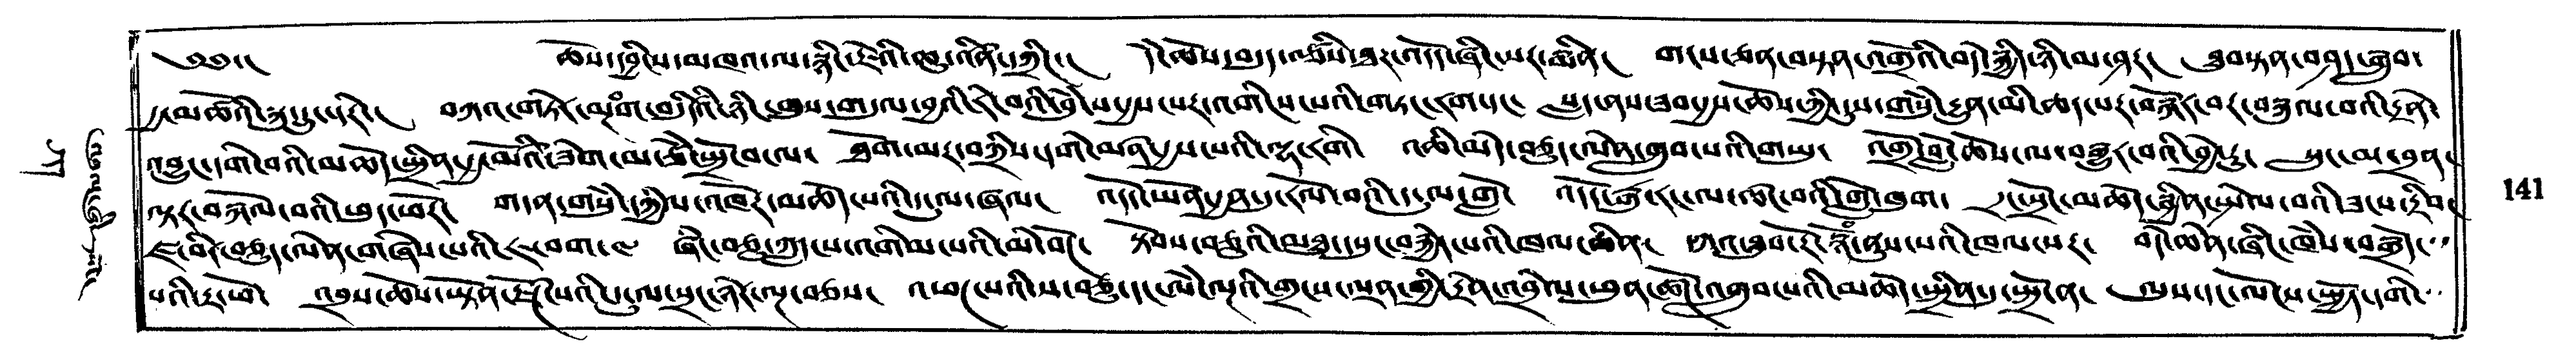ཆོས་དབྱིངས་མཁའ་ལ་སྙིང་རྗེའི་ཆུ་འཛིན་དཀྲིགས། །དམ་ཆོས་བདུད་རྩི་ཐར་འདོད་ཞིང་སར་སྨིན། །གངས་ཅན་བསྟན་འགྲོའི་བདེ་སྐྱིད་ཉི་མ་ཤར། །ཐུབ་བསྟན་བཤད་སྒྲུབ་
རྒྱ་མཚོའི་སྐུ་དྲུང་དེར། བཀའ་གཏེར་མན་ངག་བདུད་རྩིའི་ཉིང་ཁུས་གདུལ་བྱའི་རེ་བའི་བུམ་པ་རྒྱས་པར་འགེངས་པའི་གཏང་རག་དང་། སླད་ནས་ཟབ་རྒྱས་ཆོས་ཀྱི་འཁོར་ལོ་དུས་གསུམ་རྒྱུན་མི་ཆད་པར་བསྐོར་བར་བསྐུལ་བའི་རྟེན་
འབྱུང་དགེ་བའི་མཆོད་སྤྲིན་རྒྱ་མཚོའི་ཟེག་མ་ཙམ་སྤྲོ་བ་ལ། ཐོག་མར་བཀྲ་ཤིས་དགེ་མཚན་རྒྱས་པའི་ལྷ་རེག འཆི་མེད་བཅུད་ལེན་གྲུབ་པའི་གཡུ། འགྲོ་བློ་ཆོས་ལ་བསྒྱུར་བའི་བྱེ་རུ། སྲུང་མ་བྲན་
ལྟར་བསྐོལ་བའི་ཕུད་ཕོར། གདན་གསུམ་དཀྱིལ་འཁོར་མཆོད་པའི་དངུལ་ཞལ། འདོད་ཡོན་རྒྱན་དུ་རོལ་བའི་དངུལ་ལོར། འདོད་རྒུ་རང་ལ་ཚང་བའི་གློ་ཁུག དྲང་སྲོང་མཆོད་སྦྱིན་སྤེལ་བའི་ཟངས་རྟིབ། 
ཇ་བིར་བཅུད་ལེན་གཞེས་པའི་ཇ་བག་བཞི། ཞིང་བཅུ་ཀླད་པ་འགེམ་པའི་མེ་བོགས། སྟོབས་བཅུའི་མཐུ་དཔུང་བསྐྱེད་པའི་ཁལ་ཆེན། དཀའ་ཐུབ་རོ་སྙོམ་ནུས་པའི་ཁལ་པར། བདེ་ཆེན་ཞིང་ཁམས་བགྲོད་
པའི་རྟ་ཕོ། འབྲས་ཆོས་ཡོན་ཏན་རྫོགས་པའི་དངུལ་སྲང་ཉེར་ལྔ་བཅས། འཕགས་པའི་ས་བཅུ་དང་ལམ་ལྔའི་གྲངས་ལྡན་གྱི་རྟེན་འབྲེལ་ཕུན་ཚོགས་འགྲུབ་པའི་མཆོད་སྤྲིན་དུ་སྤྲོ་ན། ལུས་དང་ལོངས་སྤྱོད་དགེ་